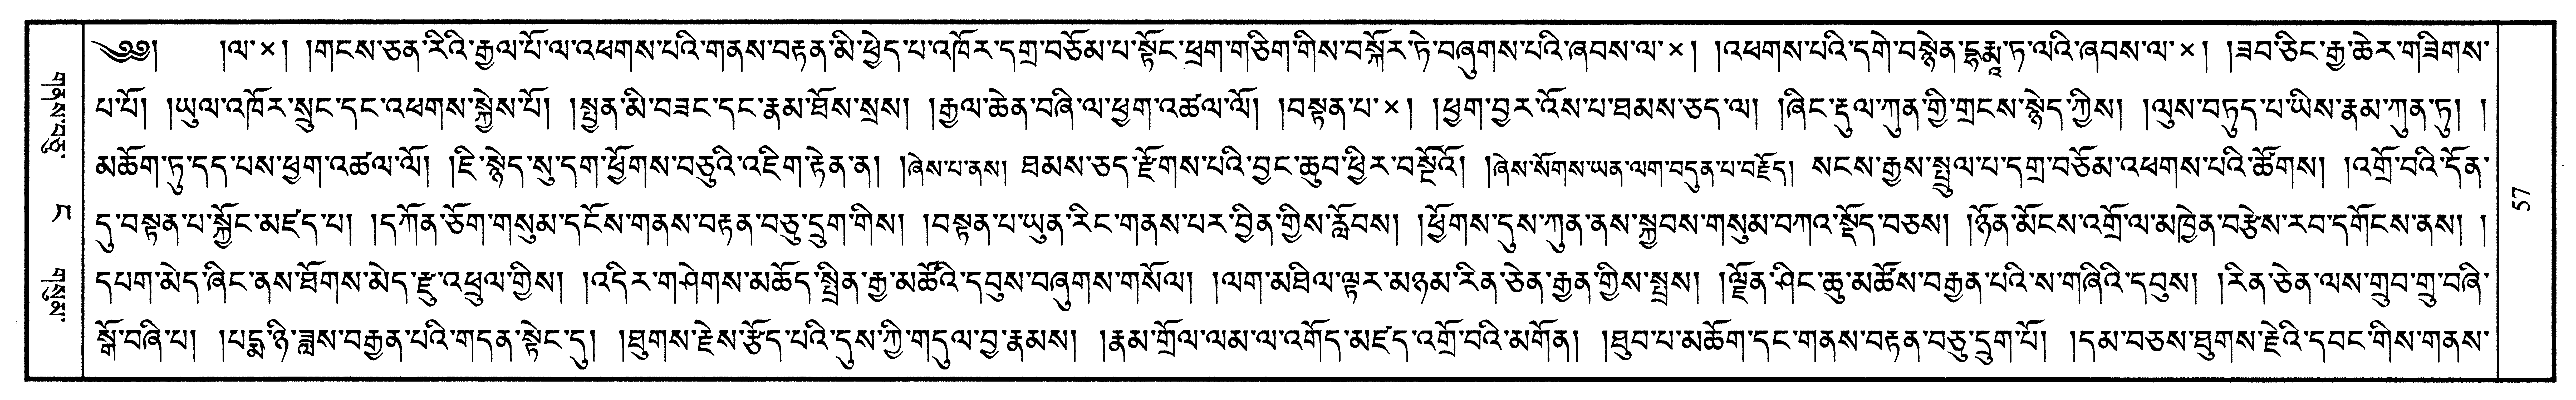༄༅། །ལ་྾། །གངས་ཅན་རིའི་རྒྱལ་པོ་ལ་འཕགས་པའི་གནས་བརྟན་མི་ཕྱེད་པ་འཁོར་དགྲ་བཅོམ་པ་སྟོང་ཕྲག་གཅིག་གིས་བསྐོར་ཏེ་བཞུགས་པའི་ཞབས་ལ་྾། །འཕགས་པའི་དགེ་བསྙེན་དྷརྨཱ་ཏ་ལའི་ཞབས་ལ་྾། །ཟབ་ཅིང་རྒྱ་ཆེར་གཟིགས་
པ་པོ། །ཡུལ་འཁོར་སྲུང་དང་འཕགས་སྐྱེས་པོ། །སྤྱན་མི་བཟང་དང་རྣམ་ཐོས་སྲས། །རྒྱལ་ཆེན་བཞི་ལ་ཕྱག་འཚལ་ལོ། །བསྟན་པ་྾། །ཕྱག་བྱར་འོས་པ་ཐམས་ཅད་ལ། །ཞིང་རྡུལ་ཀུན་གྱི་གྲངས་སྙེད་ཀྱིས། །ལུས་བཏུད་པ་ཡིས་རྣམ་ཀུན་ཏུ། །
མཆོག་ཏུ་དད་པས་ཕྱག་འཚལ་ལོ། །ཇི་སྙེད་སུ་དག་ཕྱོགས་བཅུའི་འཇིག་རྟེན་ན། །ཞེས་པ་ནས། ཐམས་ཅད་རྫོགས་པའི་བྱང་ཆུབ་ཕྱིར་བསྔོའོ། །ཞེས་སོགས་ཡན་ལག་བདུན་པ་བརྗོད། སངས་རྒྱས་སྤྲུལ་པ་དགྲ་བཅོམ་འཕགས་པའི་ཚོགས། །འགྲོ་བའི་དོན་
དུ་བསྟན་པ་སྐྱོང་མཛད་པ། །དཀོན་ཅོག་གསུམ་དངོས་གནས་བརྟན་བཅུ་དྲུག་གིས། །བསྟན་པ་ཡུན་རིང་གནས་པར་བྱིན་གྱིས་རློབས། །ཕྱོགས་དུས་ཀུན་ནས་སྐྱབས་གསུམ་བཀའ་སྡོད་བཅས། །ཉོན་མོངས་འགྲོ་ལ་མཁྱེན་བརྩེས་རབ་དགོངས་ནས། །
དཔག་མེད་ཞིང་ནས་ཐོགས་མེད་རྫུ་འཕྲུལ་གྱིས། །འདིར་གཤེགས་མཆོད་སྤྲིན་རྒྱ་མཚོའི་དབུས་བཞུགས་གསོལ། །ལག་མཐིལ་ལྟར་མཉམ་རིན་ཅེན་རྒྱན་གྱིས་སྤྲས། །ལྗོན་ཤིང་ཆུ་མཚོས་བརྒྱན་པའི་ས་གཞིའི་དབུས། །རིན་ཅེན་ལས་གྲུབ་གྲུ་བཞི་
སྒོ་བཞི་པ། །པདམ་ཉི་ཟླས་བརྒྱན་པའི་གདན་སྟེང་དུ། །ཐུགས་རྗེས་རྩོད་པའི་དུས་ཀྱི་གདུལ་བྱ་རྣམས། །རྣམ་གྲོལ་ལམ་ལ་འགོད་མཛད་འགྲོ་བའི་མགོན། །ཐུབ་པ་མཆོག་དང་གནས་བརྟན་བཅུ་དྲུག་པོ། །དམ་བཅས་ཐུགས་རྗེའི་དབང་གིས་གནས་